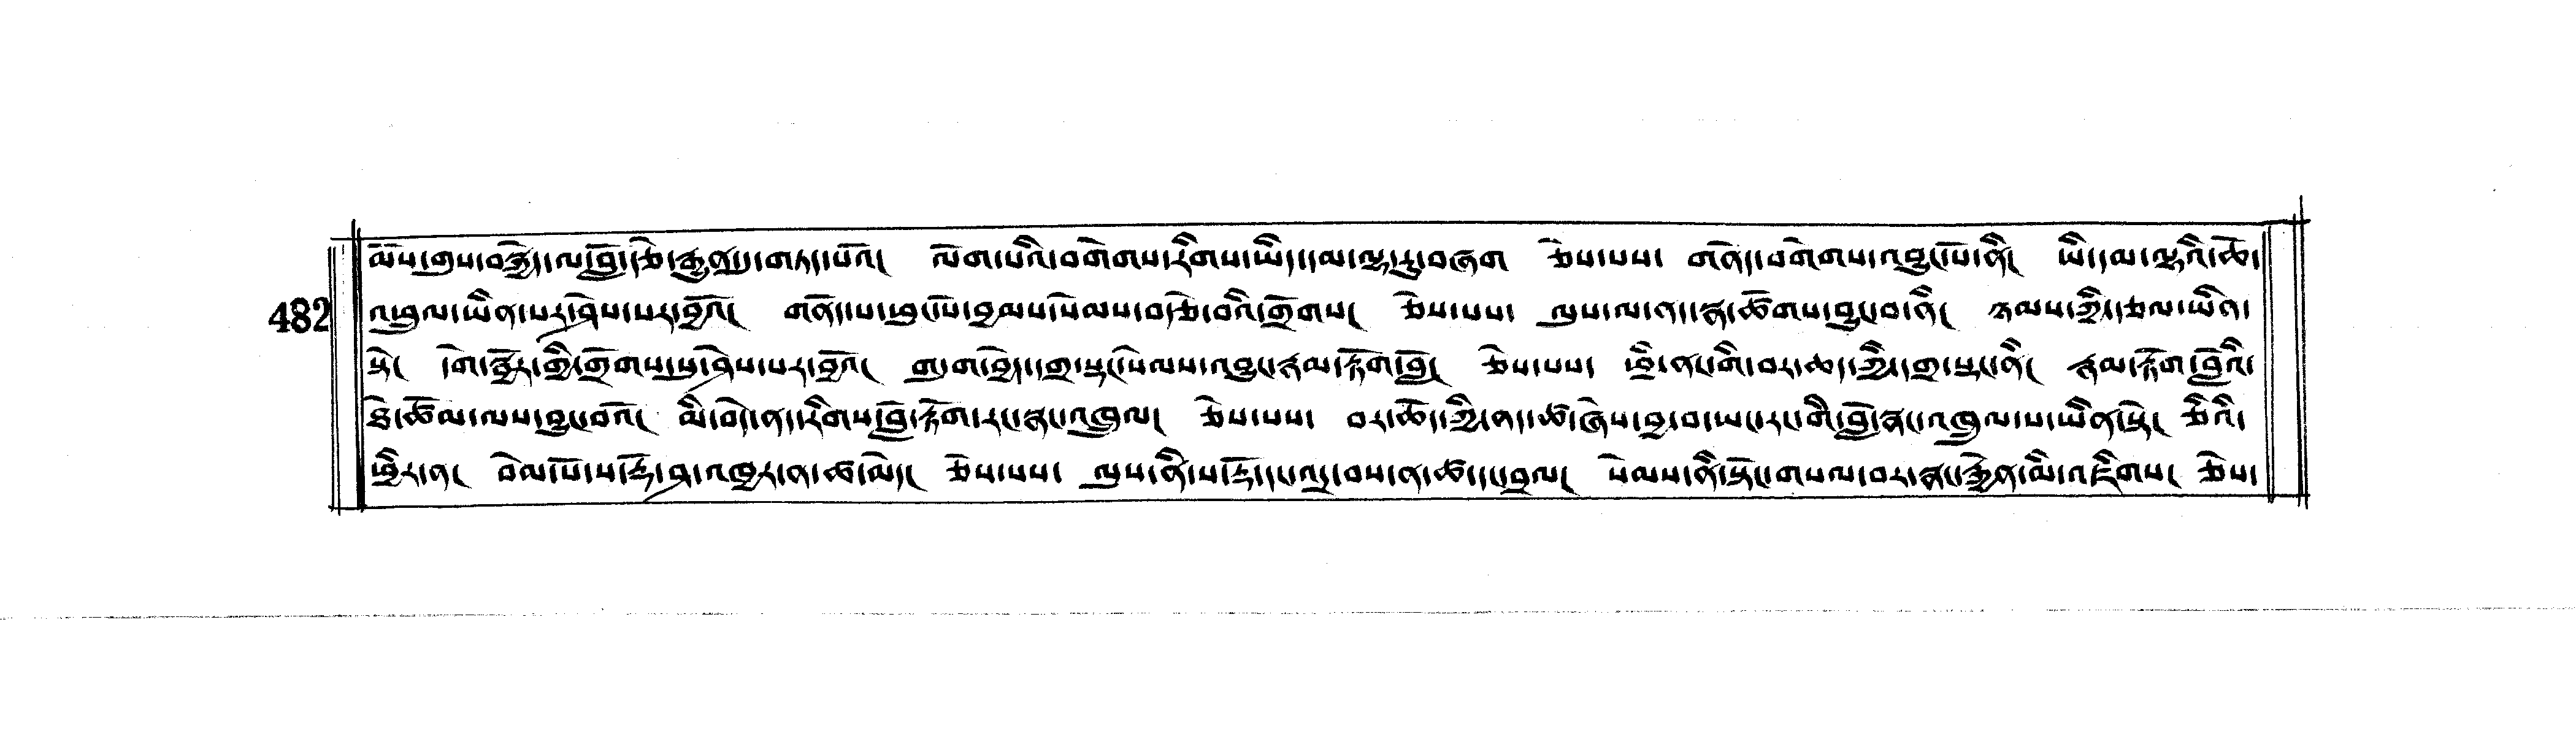མོས་གུས་བསྐྱེད་ལ་བློ་རྩེ་རྒྱུན་དུ་གཏད་པའོ། ལོག་པའི་བགེགས་རིགས་ཡི་དམ་ལྷ་རུ་བཞག ཅེས་པས། གནོད་བགེགས་འབྱུང་པོ་ནི། ཡི་དམ་ལྷ་ཡི་ཆོ་
འཕྲུལ་ཡིན་པར་ཤེས་པར་བྱའོ། གནོད་པ་ཕུང་པོ་བྱམས་སེམས་བརྩེ་བའི་གྲོགས། ཅེས་པས། ལུས་ལ་ནད་སྣ་ཚོགས་བྱུང་བ་ནི། ཉམས་ཀྱི་རྩལ་ཡིན་
ཏེ། དགེ་སྦྱོར་གྱི་གྲོགས་སུ་ཤེས་པར་བྱའོ། གདུག་བྱེད་དགྲ་སྡང་སེམས་འབྱུང་རྣམ་རྟོག་བློ། ཅེས་པས། ཕྱི་ནང་གི་བར་ཆད་ཀྱི་དགྲ་སྡང་ནི། རྣམ་རྟོག་བློ་ཡི་
ཐེ་ཚོམ་ལས་བྱུང་བའོ། མི་བདེ་ནད་རིགས་བློ་རྟོག་རང་སྣང་འཁྲུལ། ཅེས་པས། བར་ཆོད་ཀྱི་ནད་ཚ་ཞེས་བྱ་བ་ཡང་རང་གི་བློ་སྣང་འཁྲུལ་པ་ཡིན་ཏེ། ཅིའི་
ཕྱིར་ན། བེམ་པོ་ས་རྡོ་ཤ་འཁྱར་ན་ཚ་མེད། ཅེས་པས། ལུས་ནི་ས་རྡོ་དང་འདྲ་བས་ན་ཚ་དང་བྲལ། སེམས་ནི་སྟོང་གསལ་བར་སྣང་རྐྱེན་མི་འཇིགས། ཅེས་